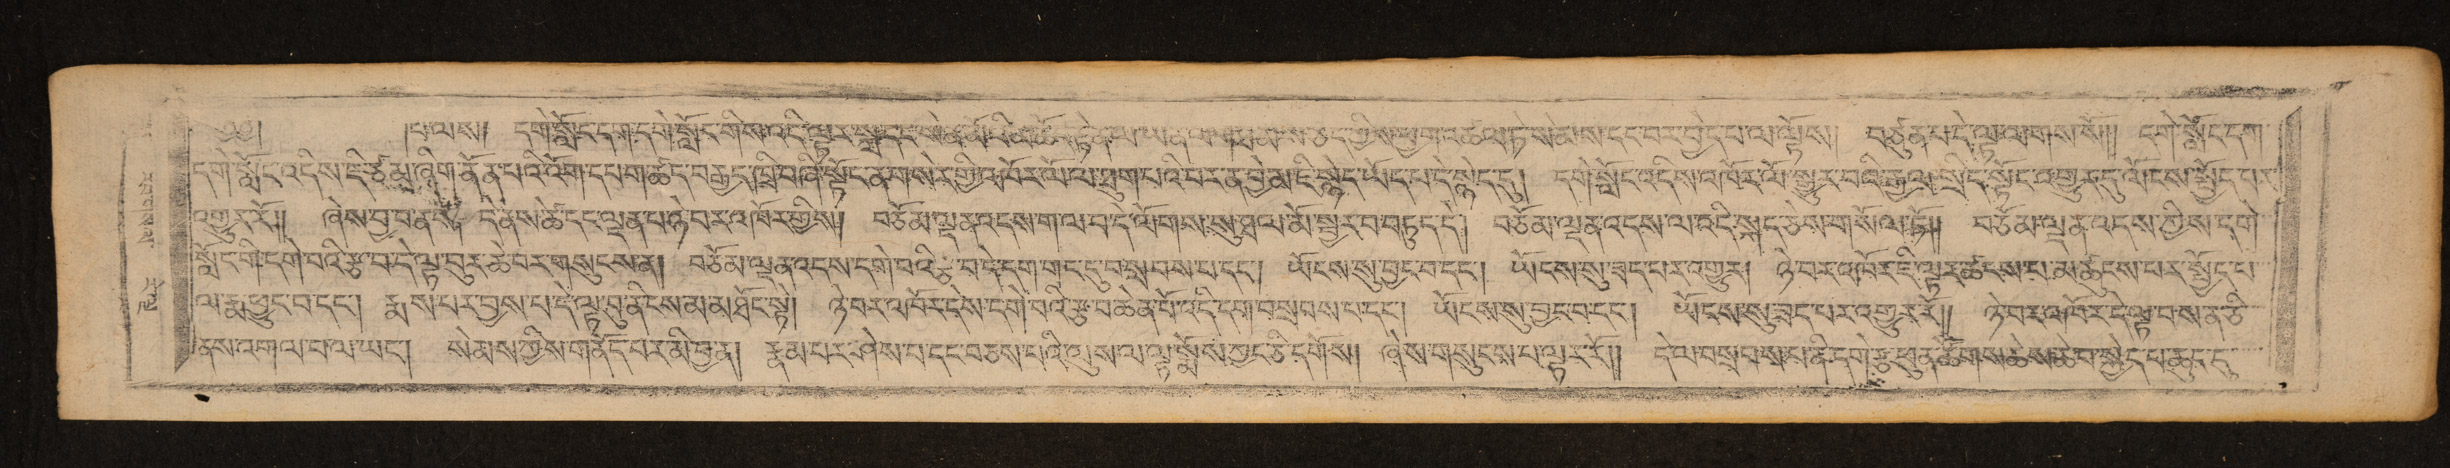༄༅། །པ་ལས། དགེ་སློང་དག་དགེ་སློང་གིས་འདི་ལྟར་སྐྲ་དང་སེན་མོའི་མཆོད་རྟེན་ལ་ཡན་ལག་ཐམས་ཅད་ཀྱིས་ཕྱག་འཚལ་ཏེ་སེམས་དང་བར་བྱེད་པ་ལ་ལྟོས། བཙུན་པ་དེ་ལྟ་ལགས་སོ།། དགེ་སློང་དག་
དགེ་སློང་འདིས་ཇི་ཙམ་ཞིག་ནོན་པའི་འོག་དཔག་ཚད་བརྒྱད་ཁྲི་བཞི་སྟོང་ན་གསེར་གྱི་འཁོར་ལོ་ལ་ཐུག་པའི་བར་ན་བྱེ་མ་ཇི་སྙེད་ཡོད་པ་དེ་སྙེད་དུ། དགེ་སློང་འདིས་འཁོར་ལོ་སྒྱུར་བའི་རྒྱལ་སྲིད་སྟོང་འགྱུར་དུ་ལོངས་སྤྱོད་པར་
འགྱུར་རོ།། ཞེས་བྱ་བ་ནས། དེ་ནས་ཚེ་དང་ལྡན་པ་ཉེ་བར་འཁོར་གྱིས། བཅོམ་ལྡན་འདས་ག་ལ་བ་དེ་ལོགས་སུ་ཐལ་མོ་སྦྱར་བ་བཏུད་དེ། བཅོམ་ལྡན་འདས་ལ་འདི་སྐད་ཅེས་གསོལ་ཏོ།། བཅོམ་ལྡན་འདས་ཀྱིས་དགེ་
སློང་གི་དགེ་བའི་རྩ་བ་དེ་ལྟ་བུར་ཆེ་བར་གསུངས་ན། བཅོམ་ལྡན་འདས་དགེ་བའི་རྩ་བ་དེ་དག་གང་དུ་བསྲབས་པ་དང་། ཡོངས་སུ་བྱང་བ་དང་། ཡོངས་སུ་ཟད་པར་འགྱུར། ཉེ་བར་འཁོར་ཇི་ལྟར་ཚངས་པ་མཚུངས་པར་སྤྱོད་པ་
ལ་རྨ་ཕྱུང་བ་དང་། རྨས་པར་བྱས་པ་དེ་ལྟ་བུ་ནི་ངས་མ་མཐོང་སྟེ། ཉེ་བར་འཁོར་དེས་དགེ་བའི་རྩ་བ་ཆེན་པོ་འདི་དག་བསྲབས་པ་དང་། ཡོངས་སུ་བྱང་བ་དང་། ཡོངས་སུ་ཟད་པར་འགྱུར་རོ།། ཉེ་བར་འཁོར་དེ་ལྟ་བས་ན་ཅི་
ནས་འགལ་བ་ལ་ཡང་། སེམས་ཀྱིས་གནོད་པར་མི་བྱ་ན། རྣམ་པར་ཤེས་པ་དང་བཅས་པའི་ལུས་ལ་ལྟ་སྨོས་ཀྱང་ཅི་དགོས། ཞེས་གསུངས་པ་ལྟར་རོ།། དེ་ལ་བསྲབས་པ་ནི་དགེ་རྩ་ཕུན་ཚོགས་ཆེས་ཆེ་བ་སྐྱེད་པ་ཆུང་ངུ་